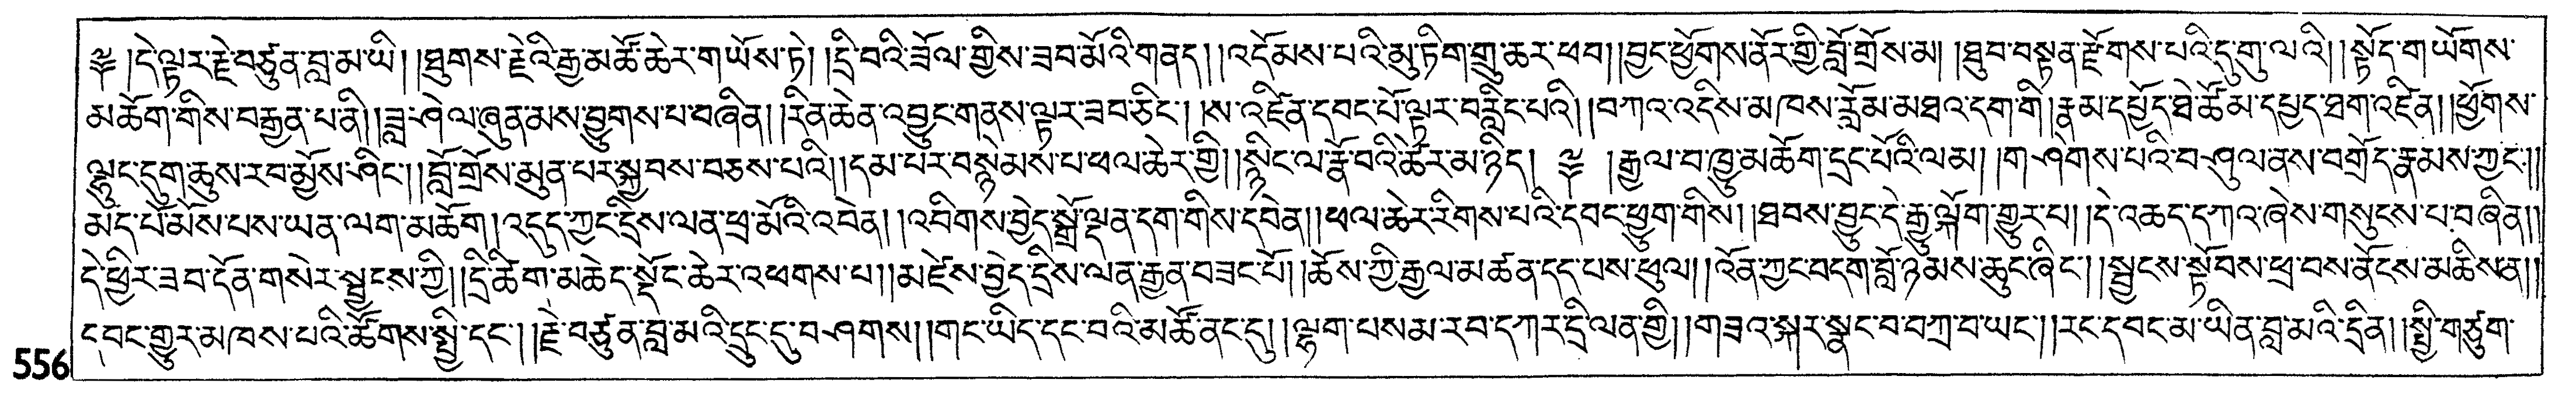༈ །དེ་ལྟར་རྗེ་བཙུན་བླ་མ་ཡི། །ཐུགས་རྗེའི་རྒྱ་མཚོ་ཆེར་གཡོས་ཏེ། །དྲི་བའི་ཟོལ་གྱིས་ཟབ་མོའི་གནད། །འདོམས་པའི་མུ་ཏིག་གྲུ་ཆར་ཕབ། །བྱང་ཕྱོགས་ནོར་གྱི་བློ་གྲོས་མ། །ཐུབ་བསྟན་རྫོགས་པའི་དུ་གུ་ལའི། །སྟོད་གཡོགས་
མཆོག་གིས་བརྒྱན་པ་ནི། །ཟླ་ཤེལ་ཞུན་མས་བྱུགས་པ་བཞིན། །རིན་ཆེན་འབྱུང་གནས་ལྟར་ཟབ་ཅིང་། །ས་འཛིན་དབང་པོ་ལྟར་བརླིང་པའི། །བཀའ་འདིས་མཁས་རློམ་མཐའ་དག་གི །རྣམ་དཔྱོད་ཐེ་ཚོམ་དཔྱད་ཐག་འཛིན། །ཕྱོགས་
ལྷུང་དུག་ཆུས་རབ་མྱོས་ཤིང་། །བློ་གྲོས་མུན་པར་སྐྱབས་བཅས་པའི། །དམ་པར་བསྙེམས་པ་ཕལ་ཆེར་གྱི། །སྙིངླ་རྣོ་བའི་ཚེར་མ་ཉིད། ༈ །རྒྱལ་བ་ཁྱུ་མཆོག་དྲང་པོའི་ལམ། །གཤེགས་པའི་བཤུལ་ནས་བགྲོད་རྣམས་ཀྱང་། །
མད་པོ་མོས་པས་ཡན་ལག་མཆོག །འདུད་ཀྱང་དྲིས་ལན་ཕྲ་མོའི་འབེན། །འབིགས་བྱེད་སྒྲོ་ལྡན་དག་གིས་དབེན། །ཕལ་ཆེར་རིགས་པའི་དབང་ཕྱུག་གིས། །ཐབས་བྱུང་དེ་རྒྱུ་ལྐོག་གྱུར་པ། །དེ་འཆད་དཀའ་ཞེས་གསུངས་པ་བཞིན། །
དེ་ཕྱིར་ཟབ་དོན་གསེར་སྦྱངས་ཀྱི། །དྲི་ཚིག་མཆེད་སྡོང་ཆེར་འཕགས་པ། །མཛེས་བྱེད་དྲིས་ལན་རྒྱན་བཟང་པོ། །ཆོས་ཀྱི་རྒྱལ་མཚན་དད་པས་ཕུལ། །འོན་ཀྱང་བདག་བློ་ཉམས་ཆུང་ཞིང་། །སྦྱངས་སྟོབས་ཕྲ་བས་ནོངས་མཆིས་ན། །
དབང་གྱུར་མཁས་པའི་ཚོགས་སྤྱི་དང་། །རྗེ་བཙུན་བླ་མའི་དྲུང་དུ་བཤགས། །གང་ཡིད་དང་བའི་མཚོ་ནང་དུ། །ལྷག་བསམ་རབ་དཀར་དྲི་ལན་གྱི། །གཟའ་སྐར་སྣང་བ་བཀྲ་བ་ཡང་། །རང་དབང་མ་ཡིན་བླ་མའི་དྲིན། །སྤྱི་གཙུག་